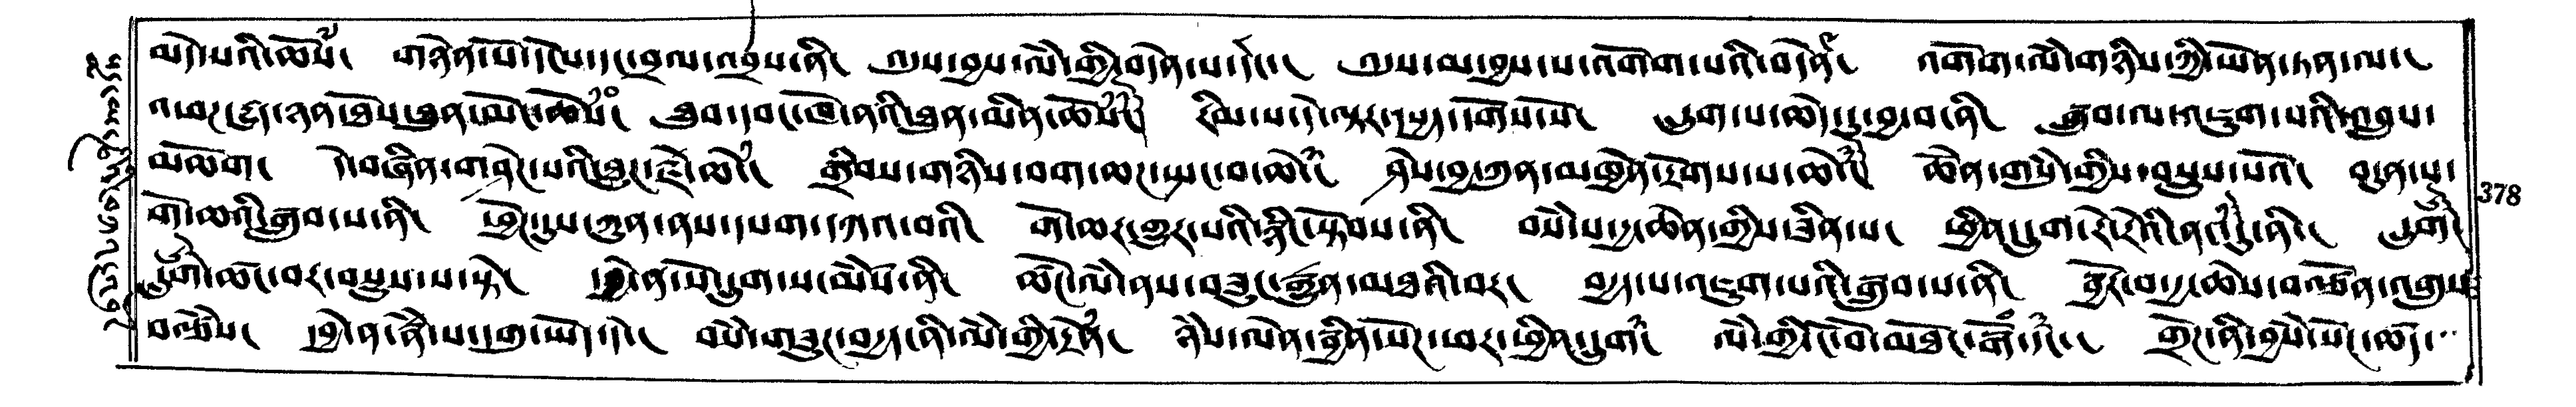མེད་པའི་ཆོས། །གཉེན་པོ་དངོས་དང་བྲལ་འབྲས་ནི། །འདུས་བྱས་ལམ་གྱི་བདེན་པ་དང་། །འདུས་མ་བྱས་པ་འགོག་པའི་བདེན། །འགོག་ལམ་གཉིས་ཀྱི་ཡོན་ཏན་ལ། །
འཕགས་རྒྱུད་ཉན་ཐོས་ཐུན་མོང་ཆོས། །ཐུབ་དབང་ཁོ་ནའི་ཐུན་མིན་ཆོས། །རིམ་པ་དེ་ལྟར་དཔྱད་དགོས་སོ། །དྲུག་པ་ཆེད་དུ་བྱ་བ་ནི། །སྒྲུབ་ལ་འཇུག་པའི་འབྲས་བུ་
མཆོག།དེ་བཞིན་གཤེགས་པའི་ཐུགས་རྗེ་ཆེ། །སྒྲིབ་གཉིས་བག་ཆགས་སྤང་བ་ཆེ། །ཤེས་བྱ་ཀུན་མཁྱེན་རྟོགས་པ་ཆེ། །ཆེན་པོ་གསུམ་གྱིས་བསྡུས་པའོ། །བདུན་པ་
གོ་ཆའི་སྒྲུབ་པ་ནི། །ཕྱོགས་དུས་ཀུན་ནས་དཔག་དཀའ་བའི། །གོ་ཆར་གྱུར་པའི་སྙིང་སྟོབས་ནི། །བསམ་པ་རྒྱ་ཆེན་གྱིས་ཟིན་པ། །ཕྱིན་དྲུག་རེ་རེའི་ནང་དུ་ནི། །དྲུག་
དྲུག་ཚང་བར་བསྡུས་པ་སྟེ། །དབྱེ་ན་སོ་དྲུག་ས་མཚམས་ནི། །ཚོགས་ལམ་ནས་བཟུང་རྒྱུན་མཐའི་བར། །བརྒྱད་པ་འཇུག་པའི་སྒྲུབ་པ་ནི། །སྦྱོར་བ་རྒྱ་ཆེས་བརྩོན་འགྲུས་
བརྩམས། །དབྱེ་ན་རྣམ་པ་དགུ་ཡོད་དེ། །བསམ་གཟུགས་བརྒྱད་ནི་ལམ་གྱི་རྟེན། །ཉམས་ལེན་སྦྱིན་སོགས་ཕར་ཕྱིན་དྲུག །ལམ་གྱི་ངོ་བོ་མཐོང་སྒོམ་དང་། །གྲོགས་ནི་བྱམས་སོགས་ཚད་